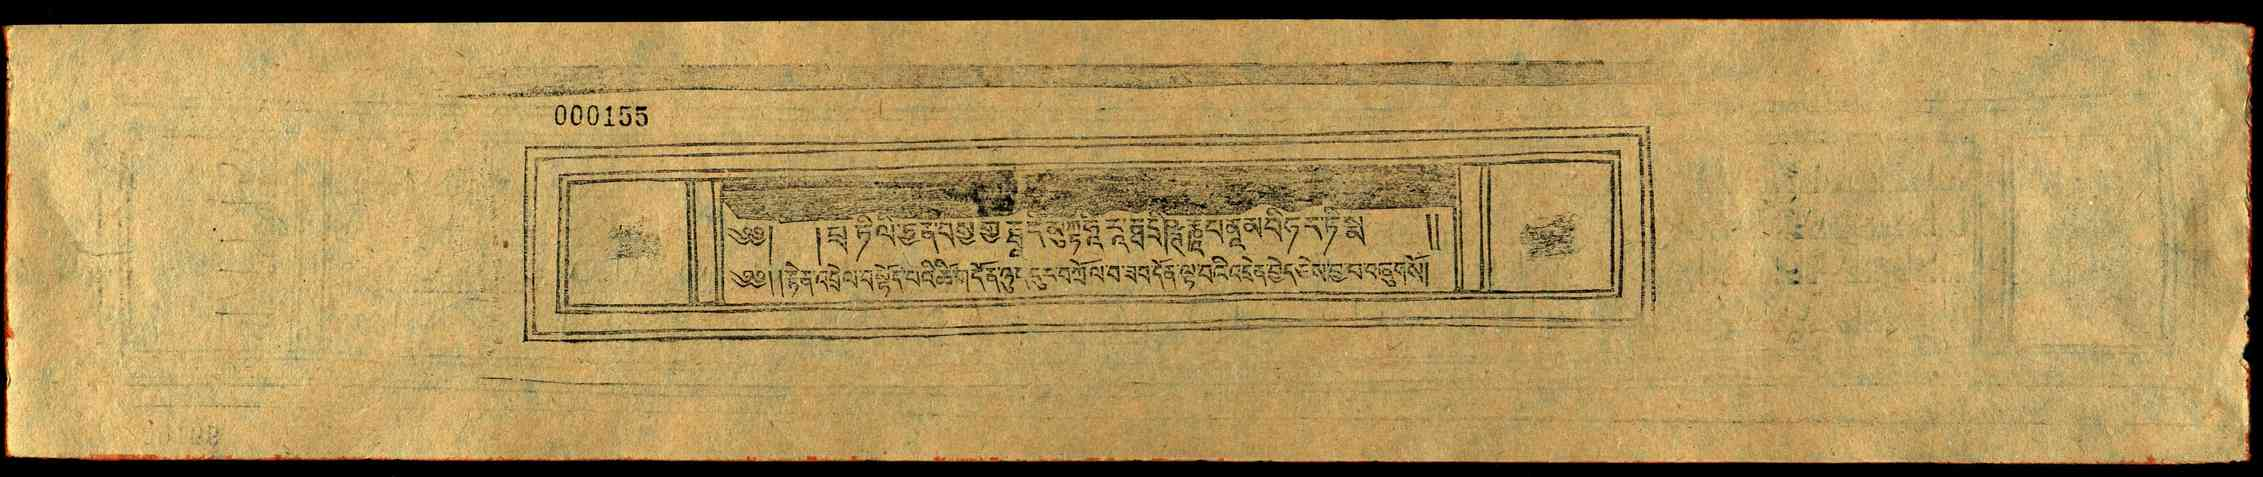ལས
༄༅། །པྲ་ཏི་ལི་ཏྱ་ནབ་སྱ་གྱ་རྠཱ་རཾ་མུ་ཀྟ་ཧཱི་རཱ་ནྭ་དྲ་ཥྚ་རྞཱ་པ་ནཱ་མ་པི་ཧ་ར་ཏི་སྨ་
༄༅། །རྟེན་འབྲེལ་བསྟོད་པའི་ཚིག་དོན་ཉུང་དུར་བཀྲོལ་བ་ཟབ་དོན་ལྟ་བའི་འདྲེན་བྱེད་ཅེས་བྱ་བ་བཞུགས་སོ།